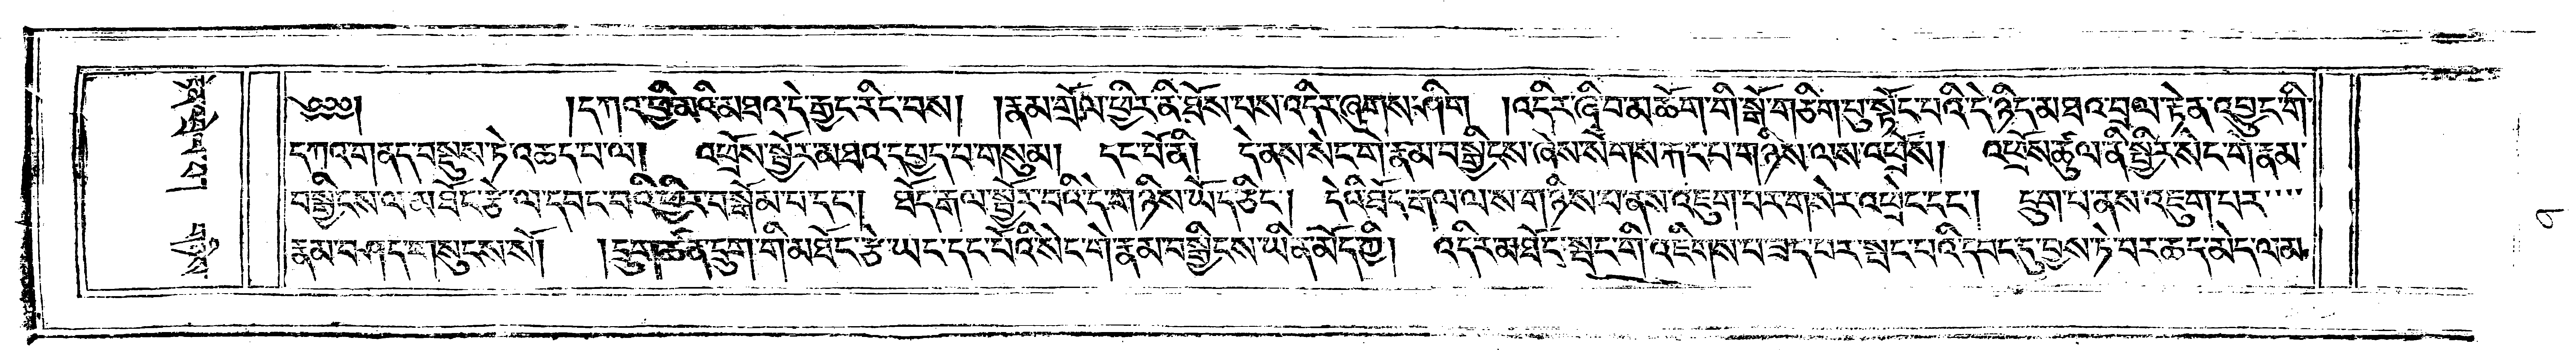༄༅༅། །དཀའ་ཕྱི་མའི་མཐའ་དེ་རྒྱང་རིང་བས། །རྣམ་གྲོལ་ཕྱིར་ནི་ཐོས་པས་འདིར་ཞུགས་ཤིག། །འདིར་ཞི་བ་མཆོག་གི་སྒོ་གཅིག་པུ་སྟོང་པའི་དེ་ཉིད་མཐའ་བྲལ་རྟེན་འབྱུང་གི་
དཀའ་གནད་བསྡུས་ཏེ་འཆད་པ་ལ། འཕྲོས་སྦྱོར་མཐའ་དཔྱད་པ་གསུམ། དང་པོ་ནི། དེ་ནས་སེང་གེ་རྣམ་བསྒྱིངས་ཞེས་སོགས་རྐང་པ་གཉིས་ལས་འཕྲོས། འཕྲོས་ཚུལ་ནི་སྤྱིར་སེང་གེ་རྣམ་
བསྒྱིངས་ལ་མཐོང་རྩེ་ལ་དབང་བའི་ཕྱིར་བསྒོམ་བ་དང་། ཐོད་རྒལ་སྦྱོར་བའི་དེ་གཉིས་ཡོད་ཅིང་། དེའི་ཐོད་རྒལ་ལ་ས་གཉིས་པ་ནས་འཇུག་པར་གསེར་འཕྲེང་དང་། དྲུག་པ་ནས་འཇུག་པར་
རྣམ་བཤད་གསུངས་སོ། །དྲུག་ཚན་དྲུག་གི་མཐོང་རྩེ་ཡང་དང་པོའི་སེང་གེ་རྣམ་པ་བསྒྱིངས་ཡིན་མོད་ཀྱི། འདིར་མཐོང་སྦང་གི་འཇིགས་བཟད་བར་སྤང་བའི་དབང་དུ་བྱས་ཏེ་བར་ཆད་མེད་ལམ་